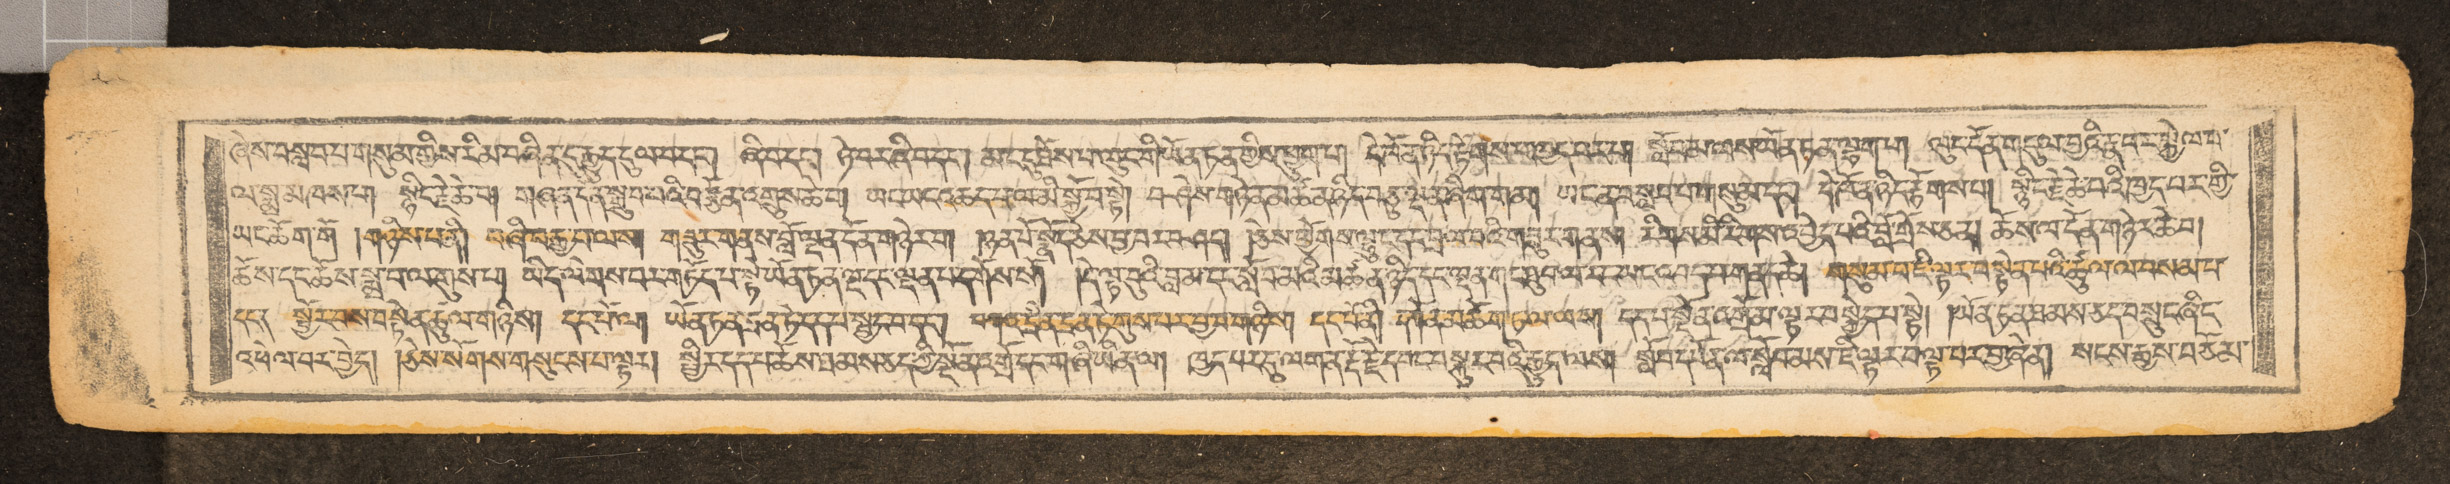ཞེས་བསླབ་པ་གསུམ་གྱིས་རིམ་བཞིན་དུ་རྒྱུད་དུལ་བ་དང་། ཞི་བ་དང་། ཉེ་བར་ཞི་བ་དང་། མང་དུ་ཐོས་པ་ལུང་གི་ཡོན་ཏན་གྱིས་ཕྱུག་པ། དེ་ཁོ་ན་ཉིད་རྟོགས་པ་ཁྱད་པར་པ། སློབ་མ་ལས་ཡོན་ཏན་ལྷག་པ། ལུང་དོན་གདུལ་བྱའི་རྣ་བར་སྐྱེལ་བ་
ལ་སྨྲ་མཁས་པ། སྙིང་རྗེ་ཆེ་བ། གཞན་དོན་སྒྲུབ་པའི་བརྩོན་འགྲུས་ཆེ་བ། ཡང་ཡང་འཆད་པ་ལ་མི་སྐྱོ་བ་སྟེ། བཤེས་གཉེན་མཚན་ཉིད་བཅུ་ལྡན་ཞིག་གམ། ཡང་ན་བསླབ་པ་གསུམ་དང་། དེ་ཁོ་ན་ཉིད་རྟོགས་པ། སྙིང་རྗེ་ཆེ་བའི་ཁྱད་པར་གྱི་
ཡང་ཆོག་གོ །གཉིས་པ་ནི། བཞི་བརྒྱ་པ་ལས། གཟུར་གནས་བློ་ལྡན་དོན་གཉེར་བ། །ཉན་པོ་སྣོད་ཅེས་བྱ་བར་བཤད། །ཅེས་ཕྱོགས་ལྷུང་དང་བྲལ་བའི་གཟུར་གནས། རིགས་མི་རིགས་འབྱེད་པའི་བློ་གྲོས་ཅན། ཆོས་ལ་དོན་གཉེར་ཆེ་བ།
ཆོས་དང་ཆོས་སྨྲ་བ་ལ་གུས་པ། ཡིད་ལེགས་པར་གཏོད་པ་སྟེ་ཡོན་ཏན་ལྔ་དང་ལྡན་པ་དགོས་སོ། །དེ་ལྟ་བུའི་བླ་མ་དང་སློབ་མའི་མཚན་ཉིད་དང་ལྡན་གང་ཐུབ་ལ་རང་ཡང་འབད་པ་གནད་ཆེ། གསུམ་པ་ཇི་ལྟར་བསྟེན་པའི་ཚུལ་ལ་བསམ་པ་
དང༑ སྦྱོར་བས་བསྟེན་ཚུལ་གཉིས། དང་པོ་ལ། ཡོན་ཏན་དྲན་ཏེ་དད་པ་སྦྱང་བ་དང་། བཀའ་དྲིན་དྲན་ཏེ་གུས་པར་བྱ་བ་གཉིས། དང་པོ་ནི། དཀོན་མཆོག་ཏ་ལ་ལས། དད་པ་སྔོན་འགྲོ་མ་ལྟར་བསྐྱེད་པ་སྟེ། །ཡོན་ཏན་ཐམས་ཅད་བསྲུང་ཞིང་
འཕེལ་པར་བྱེད། །ཅེས་སོགས་གསུངས་པ་ལྟར། སྤྱིར་དད་པ་ཆོས་ཐམས་ཅད་ཀྱི་སྔོན་འགྲོ་དང་གཞི་ཡིན་ལ། ཁྱད་པར་དུ་ལག་ན་རྡོ་རྗེ་དབང་བསྐུར་བའི་རྒྱུད་ལས། སློབ་དཔོན་ལ་སློབ་མས་ཇི་ལྟར་བལྟ་བར་བྱ་ཞེ་ན། སངས་རྒྱས་བཅོམ་